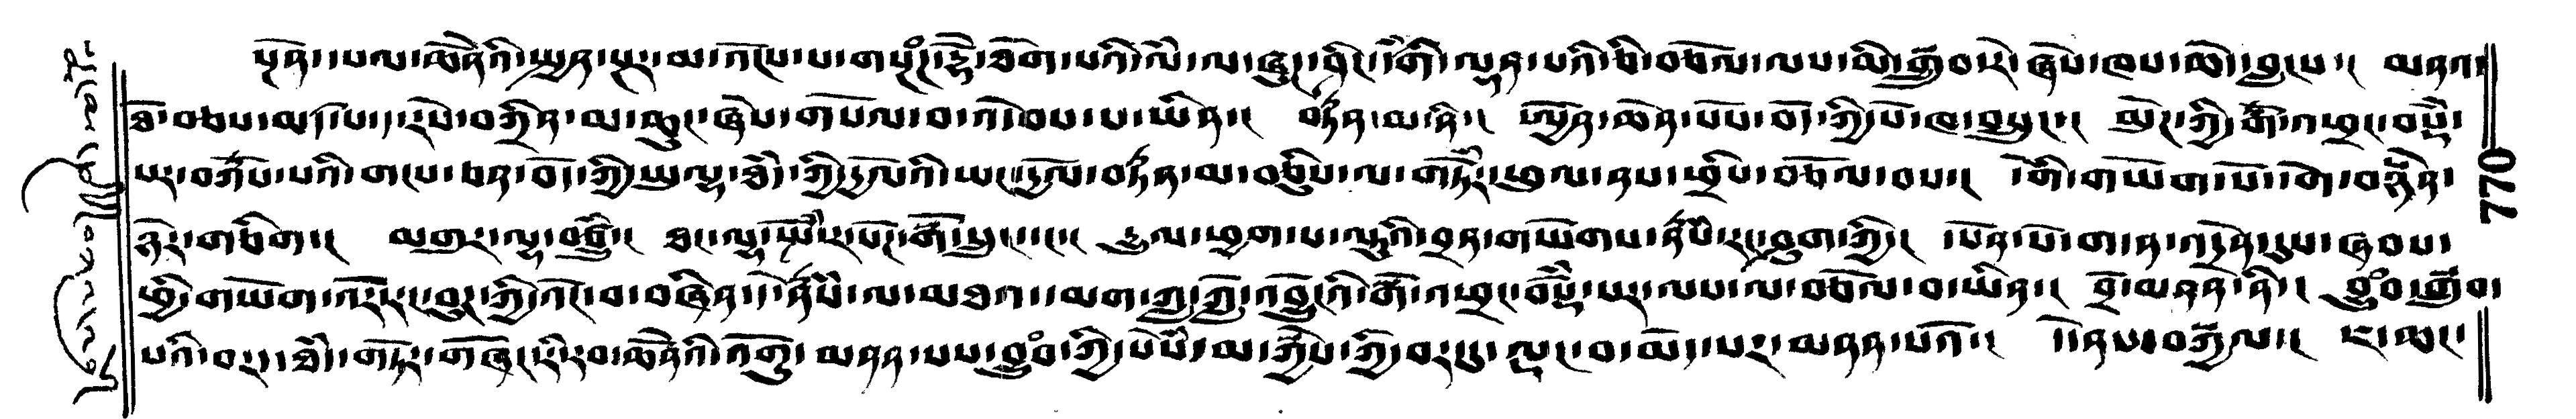སྔོན་དཔལ་ཆེན་པོའི་སྤྱན་སྔར་མ་འོངས་པ་གསང་སྔགས་རྡོ་རྗེ་ཐེག་པའི་ལམ་ལ་ཞུགས་ཤིང་དམ་ཚིག་ལྡན་པའི་ཅི་བཅོལ་ལས་མི་སྒྲུབ་རེ་ཞེས་ཁས་ཆོད་བླངས། མནའ་
ཐོ་བཅས་མཛད་པ་ད་རེས་བཀའ་དྲིན་མ་ཆུང་ཞེས་གསོལ་བ་འདེབས་པ་ཡིན། བརྟན་མ་ནི། ཨོ་རྒྱན་ཆེན་པོས་བོད་ཀྱི་སོ་ཁ་བསྲུང་ཞིང་མུ་སྟེགས་ཀྱི་སྒོ་འཕྲང་སྡམས་
པར་བསྐོས་པའི་གངས་ཅན་བོད་ཀྱི་ཡུལ་ལྷ་ཐམས་ཅད་ཀྱི་རྒྱལ་པོའི་ཡང་རྒྱལ་པོ་བརྟན་མ་བཅུ་གཉིས་ལ་གཏོར་མ་ཕུལ་ནས་ཕྲིན་ལས་བཅོལ་བས། དེ་དག་གི་གཡོག་པོ་དགེ་བསྙེན་
ཉེར་གཅིག མགུར་ལྷ་བཅུ་གསུམ། ཐང་ལྷ་སྤོམ་ར་སོགས་སྒོ་སྲུང་དང་། རྡུལ་ཕྱག་པ་ལྟ་བུའི་བྲན་གཡོག་རྣམས་དཔོན་པོ་གདན་འདྲེན་དུས་ཞབས་
ཕྱི་གཡོག་འཁོར་རང་ཤུགས་ཀྱིས་འོང་བ་བཞིན་དེ་རྣམས་ལ་མཐའ་དམག་ཀླ་ཀློ་འབྱུང་པོའི་སྒོ་འཕྲང་བསྡོམ་པར་ལས་ལ་བཅོལ་བ་ཡིན། བྲོ་མནན་ནི། བྱང་ཆུབ་སྒྲུབ་
པའི་བར་ཆད་ཐམས་ཅད་གཏོར་གཞོང་རི་རབ་ཆེན་པོའི་འོག་ཏུ་མནན་པས་བྱང་ཆུབ་ཀྱི་སེམས་མ་སྐྱེས་ཀྱི་བར་དུ་ལྡང་བ་མེད་པར་མནན་པའོ། དེ་ནས་བསྐྱལ། ཇ་ཆང་